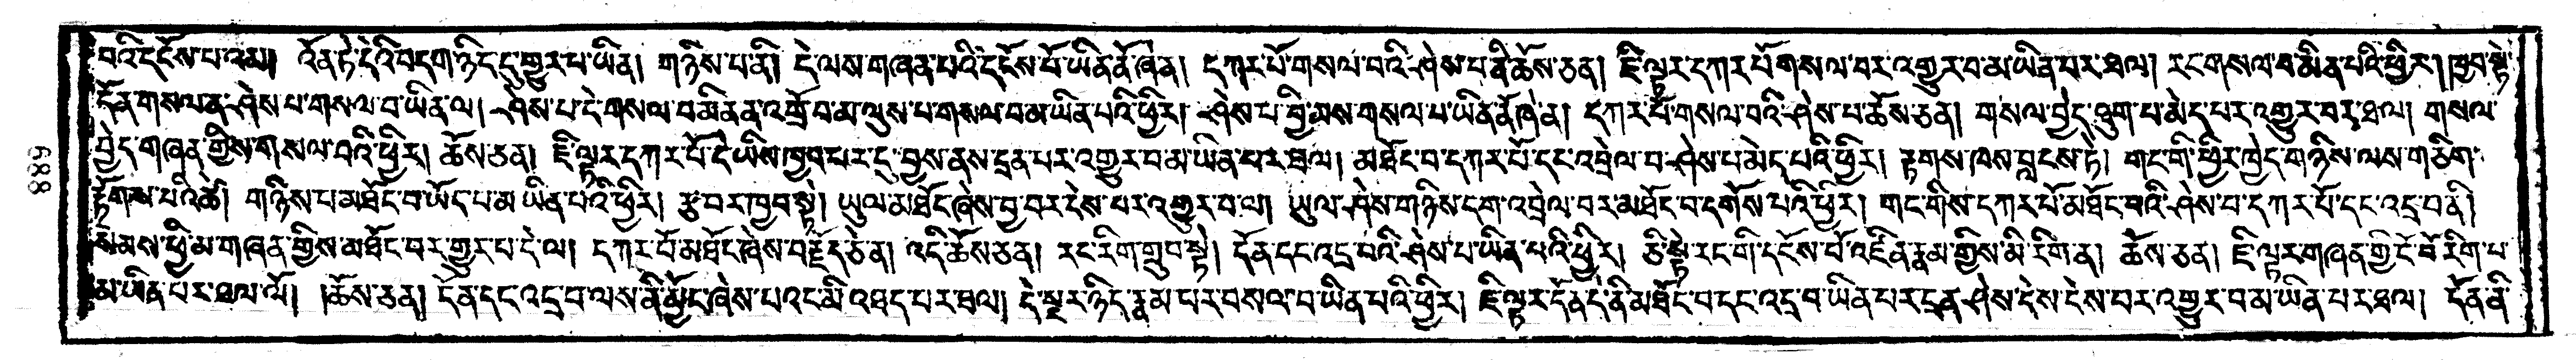བའི་དངོས་པའམ། འོན་ཏེ་དེའི་བདག་ཉིད་དུ་གྱུར་པ་ཡིན། གཉིས་པ་ནི། དེ་ལས་གཞན་པའི་དངོས་པོ་ཡིན་ནོ་ཞེ་ན། དཀར་པོ་གསལ་བའི་ཤེས་པ་ནི་ཆོས་ཅན། ཇི་ལྟར་དཀར་པོ་གསལ་བར་འགྱུར་བ་མ་ཡིན་པར་ཐལ། རང་གསལ་བ་མིན་པའི་ཕྱིར། ཁྱབ་སྟེ་
དོན་གསལ་ན་ཤེས་པ་གསལ་བ་ཡིན་ལ། ཤེས་པ་དེ་གསལ་བ་མིན་ན་འགྲོ་བ་མ་ལུས་པ་གསལ་བ་མ་ཡིན་པའི་ཕྱིར། ཤེས་པ་བྱི་མས་གསལ་པ་ཡིན་ནོ་ཞེ་ན། དཀར་པོ་གསལ་བའི་ཤེས་པ་ཆོས་ཅན། གསལ་བྱེད་ཐུག་པ་མེད་པར་འགྱུར་བར་ཐལ། གསལ་
བྱེད་གཞན་གྱིས་གསལ་བའི་ཕྱིར། ཆོས་ཅན། ཇི་ལྟར་དཀར་པོ་དེ་ཡིས་ཁྱབ་པར་དུ་བྱས་ནས་དྲན་པར་འགྱུར་བ་མ་ཡིན་པར་ཐལ། མཐོང་བ་དཀར་པོ་དང་འབྲེལ་བ་ཤེས་པ་མེད་པའི་ཕྱིར། རྟགས་ཁས་བླངས་ཏེ། གང་གི་ཕྱིར་ཁྱེད་གཉིས་ལས་གཅིག་
རྟོགས་པའི་ཚེ། གཉིས་པ་མཐོང་བ་ཡོད་པ་མ་ཡིན་པའི་ཕྱིར། རྩ་བར་ཁྱབ་སྟེ། ཡུལ་མཐོང་ཞེས་བྱ་བར་ངེས་པར་འགྱུར་བ་ལ། ཡུལ་ཤེས་གཉིས་དག་འབྲེལ་བར་མཐོང་བ་དགོས་པའི་ཕྱིར། གང་གིས་དཀར་པོ་མཐོང་བའི་ཤེས་པ་དཀར་པོ་དང་འདྲ་བ་ནི།
སེམས་ཕྱི་མ་གཞན་གྱིས་མཐོང་བར་གྱུར་བ་དེ་ལ། དཀར་པོ་མཐོང་ཞེས་བརྗོད་ཅེ་ན། འདི་ཆོས་ཅན། རང་རིག་གྲུབ་སྟེ། དོན་དང་འདྲ་བའི་ཤེས་པ་ཡིན་པའི་ཕྱིར། ཅི་སྟེ་རང་གི་དངོས་པོ་འཛིན་རྣམ་གྱིས་མི་རིག་ན། ཆོས་ཅན། ཇི་ལྟར་གཞན་གྱི་ངོ་བོ་རིག་པ་
མ་ཡིན་པར་ཐལ་ལོ། །ཆོས་ཅན། དོན་དང་འདྲ་བ་ལས་ནི་མྱོང་ཞེས་པའང་མི་འཐད་པར་ཐལ། དེ་སྔར་ཉིད་རྣམ་པར་བསལ་བ་ཡིན་པའི་ཕྱིར། ཇི་ལྟར་དོན་དེ་ནི་མཐོང་བ་དང་འདྲ་བ་ཡིན་པར་དྲན་ཤེས་དེས་ངེས་པར་འགྱུར་བ་མ་ཡིན་པར་ཐལ། དོན་ནི་